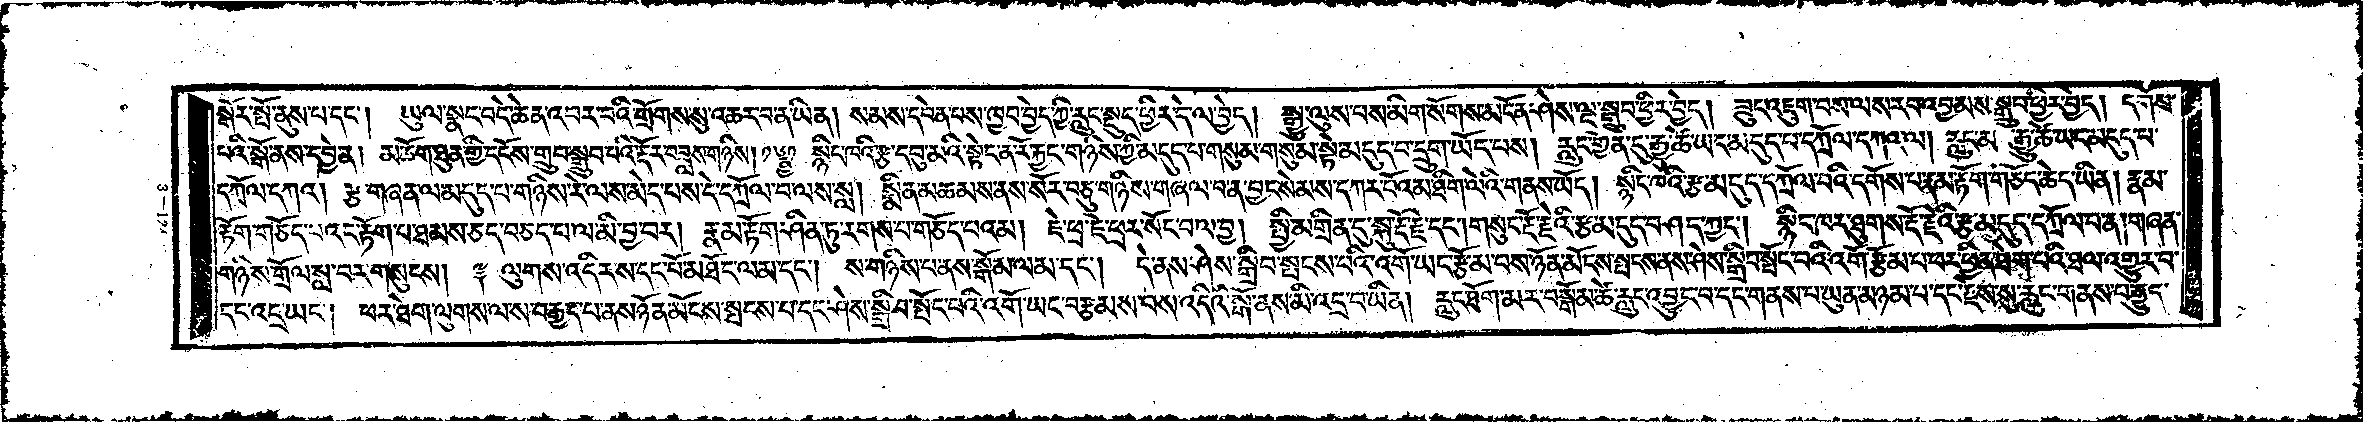སྒོར་སྤོ་བུས་པ་དང་། ཡུལ་སྣང་བདེ་ཆེན་འབར་བའི་གྲོགས་སུ་འཆར་བ་ན་ཡིན། སེམས་དབེན་པས་ཁྱབ་བྱེད་ཀྱི་རླུང་སྡུད་ཕྱིར་དེ་ལ་བྱེད། སྒྱུ་ལུས་པས་མིག་སོགས་མངོན་ཤེས་ལྔ་སྒྲུབ་ཕྱིར་བྱེད། ཟུང་འཇུག་པས་ལ་རབ་འབྱམས་སྒྲུབ་ཕྱིར་བྱེད། དགོས་
པའི་སྒོ་ནས་དབྱེ་ན། མཆོག་ཐུང་ཡི་དངོས་གྲུབ་སྒྲུབ་པའི་རྡོར་བཟླས་གཉིས། ༡༦ན༡༤༡་སྙིང་ཁའི་རྩ་དབུ་མའི་སྟེང་ན་རོ་རྐྱང་གཉིས་ཀྱི་མདུད་པ་གསུམ་གསུམ་སྟེ་མདུད་པ་དྲུག་ཡོད་པས། རླུང་གྱི་ན་དུ་རྒྱ་ཚེ་ཡང་མ་དུད་པ་དཀྲོལ་དཀའ་བ། རླུང་མ་རྒྱུ་ཚེ་ཡང་མདུད་པ་
དཀྲོལ་དཀའ། རྩ་གཞན་ལ་མདུད་པ་གཉིས་རེ་ལས་མེད་པས་དེ་དཀྲོལ་བ་ལས་སླ། སྨིན་མཚམས་ནས་སོར་བདུ་གཉིས་གཞལ་བ་ན་བྱང་སེམས་དཀར་པོའམ་ཐིག་ལེའི་གནས་ཡོད། སྙིང་ཁའི་རྩ་མདུད་དཀྲོལ་བའི་དགོས་པ་རྣམ་རྟོག་གཅོད་ཆེད་ཡིན། རྣམ་
རྟོག་གཅོད་པའང་རྟོག་པ་ཐམས་ཅད་བཅད་པ་ལ་མི་བྱ་བར། རྣམ་རྟོག་ཤིན་ཏུ་རགས་པ་གཅོད་པའམ། ཇེ་ཕྲ་ཇེ་ཕྲར་སོང་བ་ལ་བྱ། སྤྱི་མགྲིན་དུ་སྐུ་རྡོ་རྗེ་དང་། གསུང་རྡོ་རྗེའི་ཙ་མདུད་བཤད་ཀྱང་། སྙིང་ཁར་ཐུགས་རྡོ་རྗེའི་རྩ་མདུད་དཀྲོལ་བ་ན། གཞན་
གཉིས་གྲོལ་སླ་བར་གསུངས། ༈ ལུགས་འདིར་ས་དང་པོ་མཐོང་ལམ་དང་། ས་གཉིས་པ་ནས་སྒོམ་ལམ་དང་། དེ་ནས་ཤེས་སྒྲིབ་སྤངས་པའི་འོག་ཡང་རྩོམ་པས་ཉོན་མོངས་སྤངས་ནས་ཤེས་སྒྲིབ་སྤོང་བའི་འགོ་རྩོམ་པ་ཕར་ཕྱིན་ཐེག་པའི་ཐལ་འགྱུར་བ་
དང་འདྲ་ཡང་། ཕར་ཐེག་ལུགས་ལས་བརྒྱད་པ་ནས་ཉོན་མོངས་སྤངས་པ་དང་ཤེས་སྒྲིབ་སྤོང་བའི་འགོ་ཡང་བརྩམས་པས་འདིའི་སྒོ་ནས་མི་འདྲ་བ་ཡིན། རླུང་ཐོག་མར་བསྒོམ་ཚེ་རླུང་འབྱུང་བ་དང་གནས་པ་ཡུན་མཉམ་པ་དང་རྗེས་སུ་རླུང་གནས་པ་རྒྱུད་